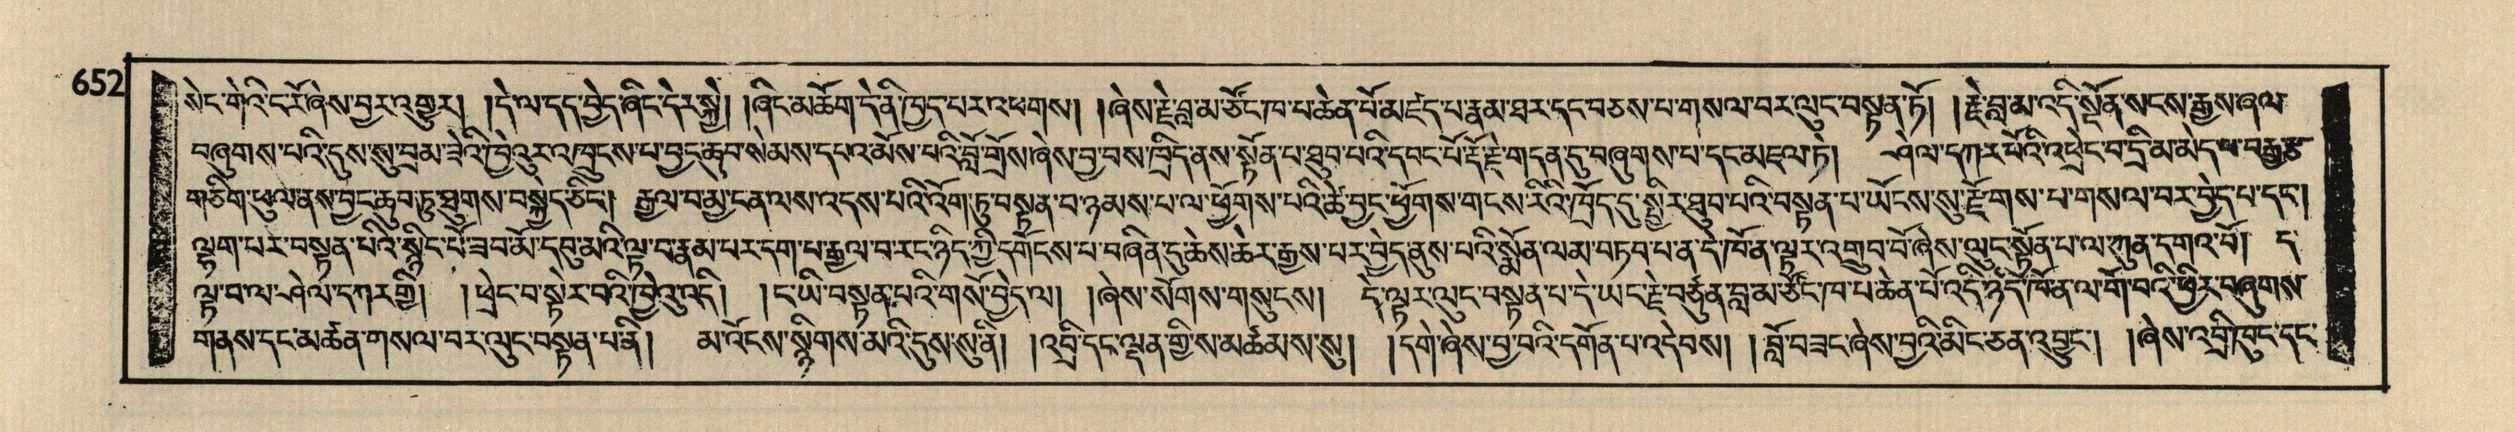སེང་གེའི་ང་རོ་ཞེས་བྱར་འགྱུར། །དེ་ལ་དད་བྱེད་ཞིང་དེར་སྐྱེ། །ཞིང་མཆོག་དེ་ནི་ཁྱད་པར་འཕགས། །ཞེས་རྗེ་བླ་མ་ཙོང་ཁ་པ་ཆེན་པོ་མཛད་པ་རྣམ་ཐར་དང་བཅས་པ་གསལ་བར་ལུང་བསྟན་ཏོ། །རྗེ་བླ་མ་འདི་སྔོན་སངས་རྒྱས་ཞལ་
བཞུགས་པའི་དུས་སུ་བྲམ་ཟེའི་ཁྱེའུར་འཁྲུངས་པ་བྱང་ཆུབ་སེམས་དཔའ་མོས་པའི་བློ་གྲོས་ཞེས་བྱ་བས་ཁྲིད་ནས་སྟོན་པ་ཐུབ་པའི་དབང་པོ་རྡོ་རྗེ་གདན་དུ་བཞུགས་པ་དང་མཇལ་ཏེ། ཤེལ་དཀར་པོའི་འཕྲེང་བ་དྲི་མ་མེད་པ་བརྒྱ་རྩ་
གཅིག་ཕུལ་ནས་བྱང་ཆུབ་ཏུ་ཐུགས་བསྐྱེད་ཅིང་། རྒྱལ་བ་མྱ་ངན་ལས་འདས་པའི་འོག་ཏུ་བསྟན་བ་ཉམས་པ་ལ་ཕྱོགས་པའི་ཚེ་བྱང་ཕྱོགས་གངས་རིའི་ཁྲོད་དུ་སྤྱིར་ཐུབ་པའི་བསྟན་པ་ཡོངས་སུ་རྫོགས་པ་གསལ་བར་བྱེད་པ་དང་།
ལྷག་པར་བསྟན་པའི་སྙིང་པོ་ཟབ་མོ་དབུ་མའི་ལྟ་བ་རྣམ་པར་དག་པ་རྒྱལ་བ་རང་ཉིད་ཀྱི་དགོངས་པ་བཞིན་དུ་ཆེས་ཆེར་རྒྱས་པར་བྱེད་ནུས་པའི་སྨོན་ལམ་བཏབ་པ་ན་དེ་ཁོ་ན་ལྟར་འགྲུབ་བོ་ཞེས་ལུང་སྟོན་པ་ལ་ཀུན་དགའ་བོ། ད་
ལྟ་བ་ལ་ཤེལ་དཀར་གྱི། །ཕྲེང་བ་སྟེར་བའི་ཁྱེའུ་འདི། །ང་ཡི་བསྟན་པའི་གསོ་བྱེད་ལ། །ཞེས་སོགས་གསུངས། དེ་ལྟར་ལུང་བསྟན་པ་དེ་ཡང་རྗེ་བཙུན་བླ་མ་ཙོང་ཁ་པ་ཆེན་པོ་འདི་ཉིད་ཁོ་ན་ལ་གོ་བའི་ཕྱིར་བཞུགས་
གནས་དང་མཚན་གསལ་བར་ལུང་བསྟན་པ་ནི། མ་འོངས་སྙིགས་མའི་དུས་སུ་ནི། །འབྲི་དང་ལྡན་གྱིས་མཚམས་སུ། །དགེ་ཞེས་བྱ་བའི་དགོན་པ་འདེབས། །བློ་བཟང་ཞེས་བྱའི་མིང་ཅན་འབྱུང་། །ཞེས་འབྲི་ཁུང་དང་